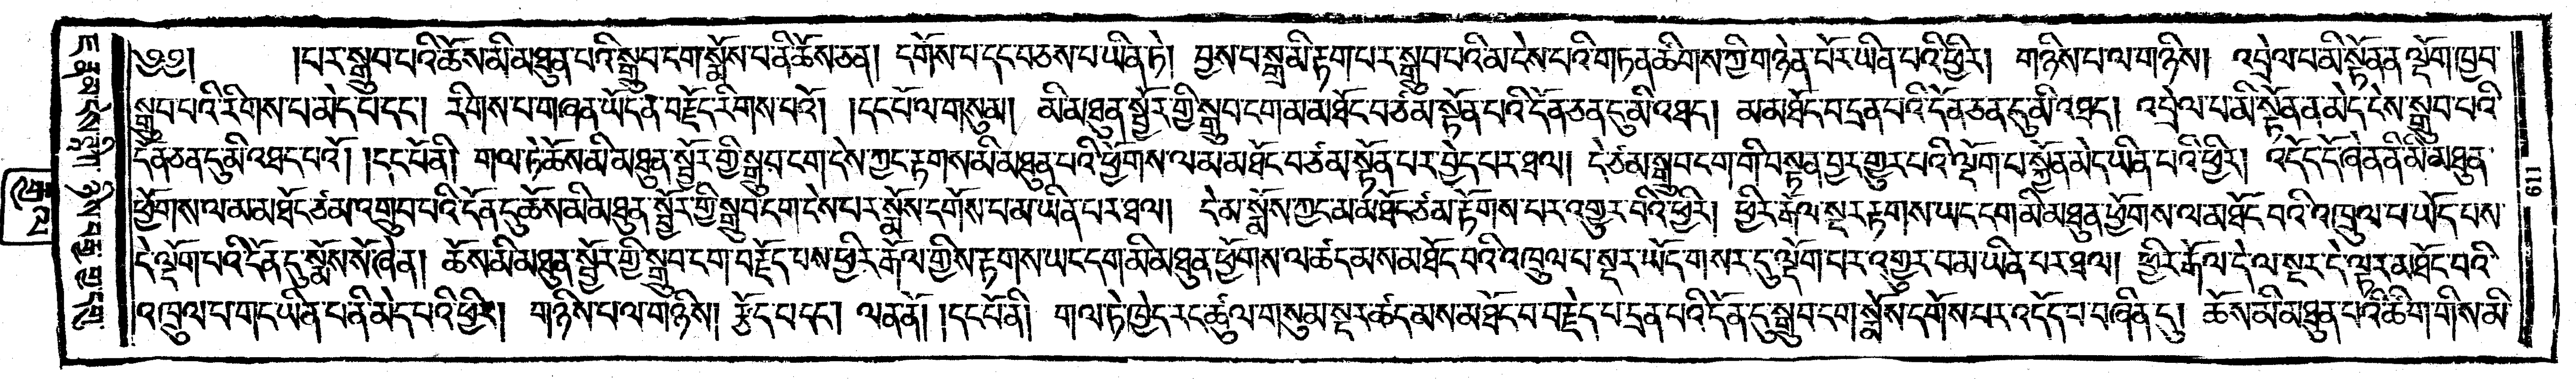༄༅། །པར་སྒྲུབ་པའི་ཆོས་མི་མཐུན་པའི་སྒྲུབ་ངག་སྨོས་པ་ནི་ཆོས་ཅན། དགོས་པ་དང་བཅས་པ་ཡིན་ཏེ། བྱས་པ་སྒྲ་མི་རྟག་པར་སྒྲུབ་པའི་མ་ངེས་པའི་གཏན་ཚིགས་ཀྱི་གཉེན་པོར་ཡིན་པའི་ཕྱིར། གཉིས་པ་ལ་གཉིས། འབྲེལ་པ་མི་སྟོན་ན་ལྡོག་ཁྱབ་
སྒྲུབ་པའི་རིགས་པ་མེད་པ་དང་། རིགས་པ་གཞན་ཡོད་ན་བརྗོད་རིགས་པའོ། །དང་པོ་ལ་གསུམ། མི་མཐུན་སྦྱོར་གྱི་སྒྲུབ་ངག་མ་མཐོང་བ་ཙམ་སྟོན་པའི་དོན་ཅན་དུ་མི་འཐད། མ་མཐོང་བ་དྲན་པའི་དོན་ཅན་དུ་མི་འཐད། འབྲེལ་པ་མི་སྟོན་ན་མེད་ངེས་སྒྲུབ་པའི་
དོན་ཅན་དུ་མི་འཐད་པའོ། །དང་པོ་ནི། གལ་ཏེ་ཆོས་མི་མཐུན་སྦྱོར་གྱི་སྒྲུབ་ངག་དེས་ཀྱང་རྟགས་མི་མཐུན་པའི་ཕྱོགས་ལ་མ་མཐོང་བ་ཙམ་སྟོན་པར་བྱེད་པར་ཐལ། དེ་ཙམ་སྒྲུབ་ངག་གི་བསྟན་བྱར་གྱུར་པའི་ལྡོག་པ་སྐྱོན་མེད་ཡིན་པའི་ཕྱིར། འདོད་དོ་ཞེ་ན་ནི་མི་མཐུན་
ཕྱོགས་ལ་མ་མཐོང་ཙམ་འགྲུབ་པའི་དོན་དུ་ཆོས་མི་མཐུན་སྦྱོར་གྱི་སྒྲུབ་ངག་ངེས་པར་སྨོས་དགོས་པ་མ་ཡིན་པར་ཐལ། དེ་མ་སྨོས་ཀྱང་མ་མཐོང་ཙམ་རྟོགས་པར་འགྱུར་བའི་ཕྱིར། ཕྱིར་རྒོལ་སྔར་རྟགས་ཡང་དག་མི་མཐུན་ཕྱོགས་ལ་མཐོང་བའི་འཁྲུལ་པ་ཡོད་པས་
དེ་ལྡོག་པའི་དོན་དུ་སྨོས་སོ་ཞེ་ན། ཆོས་མི་མཐུན་སྦྱོར་གྱི་སྒྲུབ་ངག་བརྗོད་པས་ཕྱིར་རྒོལ་གྱིས་རྟགས་ཡང་དག་མི་མཐུན་ཕྱོགས་ལ་ཚད་མས་མཐོང་བའི་འཁྲུལ་པ་སྔར་ཡོད་གསར་དུ་ལྡོག་པར་འགྱུར་བ་མ་ཡིན་པར་ཐལ། ཕྱིར་རྒོལ་དེ་ལ་སྔར་དེ་ལྟར་མཐོང་བའི་
འཁྲུལ་པ་གང་ཡིན་པ་ནི་མེད་པའི་ཕྱིར། གཉིས་པ་ལ་གཉིས། རྩོད་པ་དང་། ལན་ནོ། །དང་པོ་ནི། གལ་ཏེ་ཁྱེད་རང་ཚུལ་གསུམ་སྔར་ཚད་མས་མཐོང་བ་བརྗེད་པ་དྲན་པའི་དོན་དུ་སྒྲུབ་ངག་སྨོས་དགོས་པར་འདོད་པ་བཞིན་དུ། ཆོས་མི་མཐུན་པའི་ཚིག་གིས་མི་